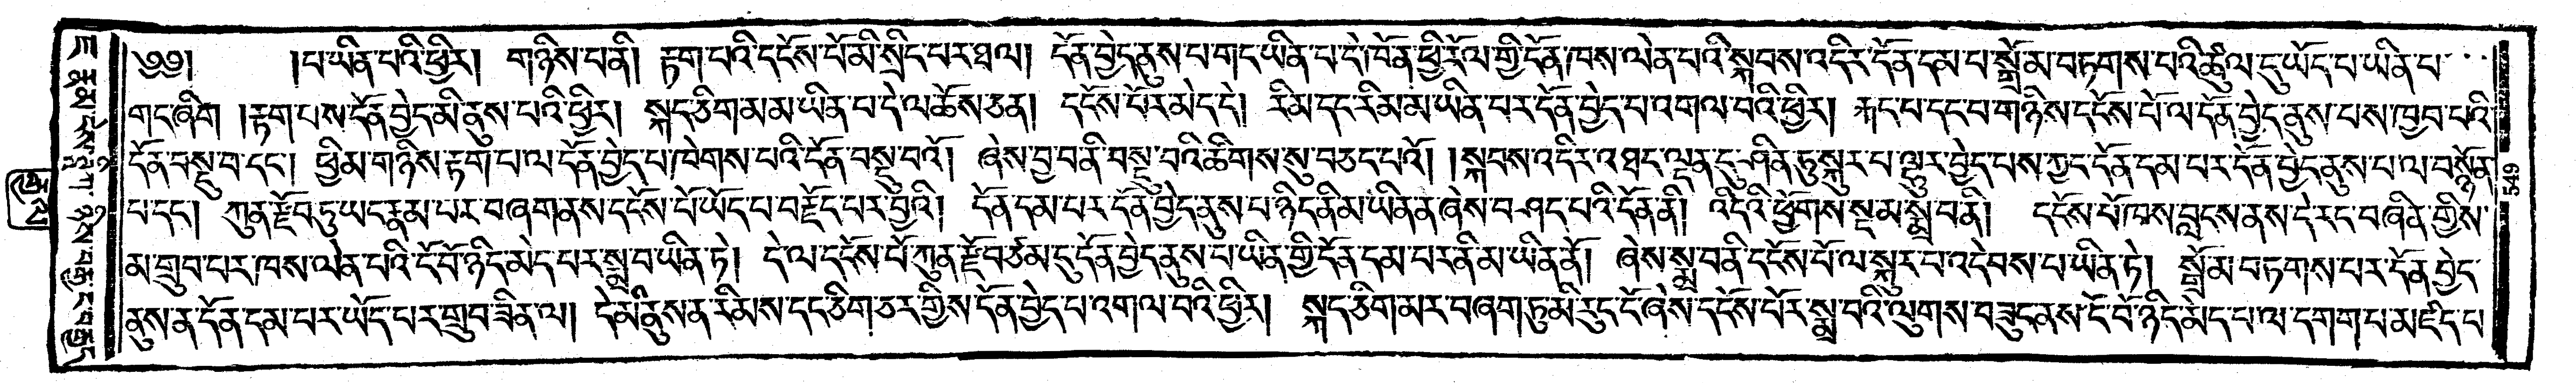༄༅། །པ་ཡིན་པའི་ཕྱིར། གཉིས་པ་ནི། རྟག་པའི་དངོས་པོ་མི་སྲིད་པར་ཐལ། དོན་བྱེད་ནུས་པ་གང་ཡིན་པ་དེ་ཁོ་ན་ཕྱི་རོལ་གྱི་དོན་ཁས་ལེན་པའི་སྐབས་འདིར་དོན་དམ་པ་སྒྲོ་མ་བཏགས་པའི་ཚུལ་དུ་ཡོད་པ་ཡིན་པ་
གང་ཞིག །རྟག་པས་དོན་བྱེད་མི་ནུས་པའི་ཕྱིར། སྐད་ཅིག་མ་མ་ཡིན་པ་དེ་ལ་ཆོས་ཅན། དངོས་པོར་མེད་དེ། རིམ་དང་རིམ་མ་ཡིན་པར་དོན་བྱེད་པ་འགལ་བའི་ཕྱིར། རྐང་པ་དང་པ་གཉིས་དངོས་པོ་ལ་དོན་བྱེད་ནུས་པས་ཁྱབ་པའི་
དོན་བསྡུ་བ་དང་། ཕྱི་མ་གཉིས་རྟག་པ་ལ་དོན་བྱེད་པ་ཁེགས་པའི་དོན་བསྡུ་བའོ། ཞེས་བྱ་བ་ནི་བསྡུ་བའི་ཚིགས་སུ་བཅད་པའོ། །སྐབས་འདིར་འཐད་ལྡན་དུ་ཤིན་ཏུ་སྐུར་པ་ལྷུར་བྱེད་པས་ཀྱང་དོན་དམ་པར་དོན་བྱེད་ནུས་པ་ལ་བསྙོན་
པ་དང་། ཀུན་རྫོབ་ཏུ་ཡང་རྣམ་པར་བཞག་ནས་དངོས་པོ་ཡོད་པ་བརྗོད་པར་བྱའི། དོན་དམ་པར་དོན་བྱེད་ནུས་པ་ཉིད་ནི་མ་ཡིན་ན་ཞེས་བཤད་པའི་དོན་ནི། འདིའི་ཕྱོགས་སྔ་མ་སྨྲ་བ་ནི། དངོས་པོ་ཁས་བླངས་ནས་དེ་རང་བཞིན་གྱིས་
མ་གྲུབ་པར་ཁས་ལེན་པའི་ངོ་བོ་ཉིད་མེད་པར་སྨྲ་བ་ཡིན་ཏེ། དེ་ལ་དངོས་པོ་ཀུན་རྫོབ་ཙམ་དུ་དོན་བྱེད་ནུས་པ་ཡིན་གྱི་དོན་དམ་པར་ནི་མ་ཡིན་ནོ། ཞེས་སྨྲ་བ་ནི་དངོས་པོ་ལ་སྐུར་བ་འདེབས་པ་ཡིན་ཏེ། སྒྲོ་མ་བཏགས་པར་དོན་བྱེད་
ནུས་ན་དོན་དམ་པར་ཡོད་པར་གྲུབ་ཟིན་ལ། དེ་མི་ནུས་ན་རིམས་དང་ཅིག་ཅར་གྱིས་དོན་བྱེད་པ་འགལ་བའི་ཕྱིར། སྐད་ཅིག་མར་བཞག་ཏུ་མི་རུང་ངོ་ཞེས་དངོས་པོར་སྨྲ་བའི་ལུགས་བཟུང་ནས་ངོ་བོ་ཉིད་མེད་པ་ལ་དགག་པ་མཛད་པ་